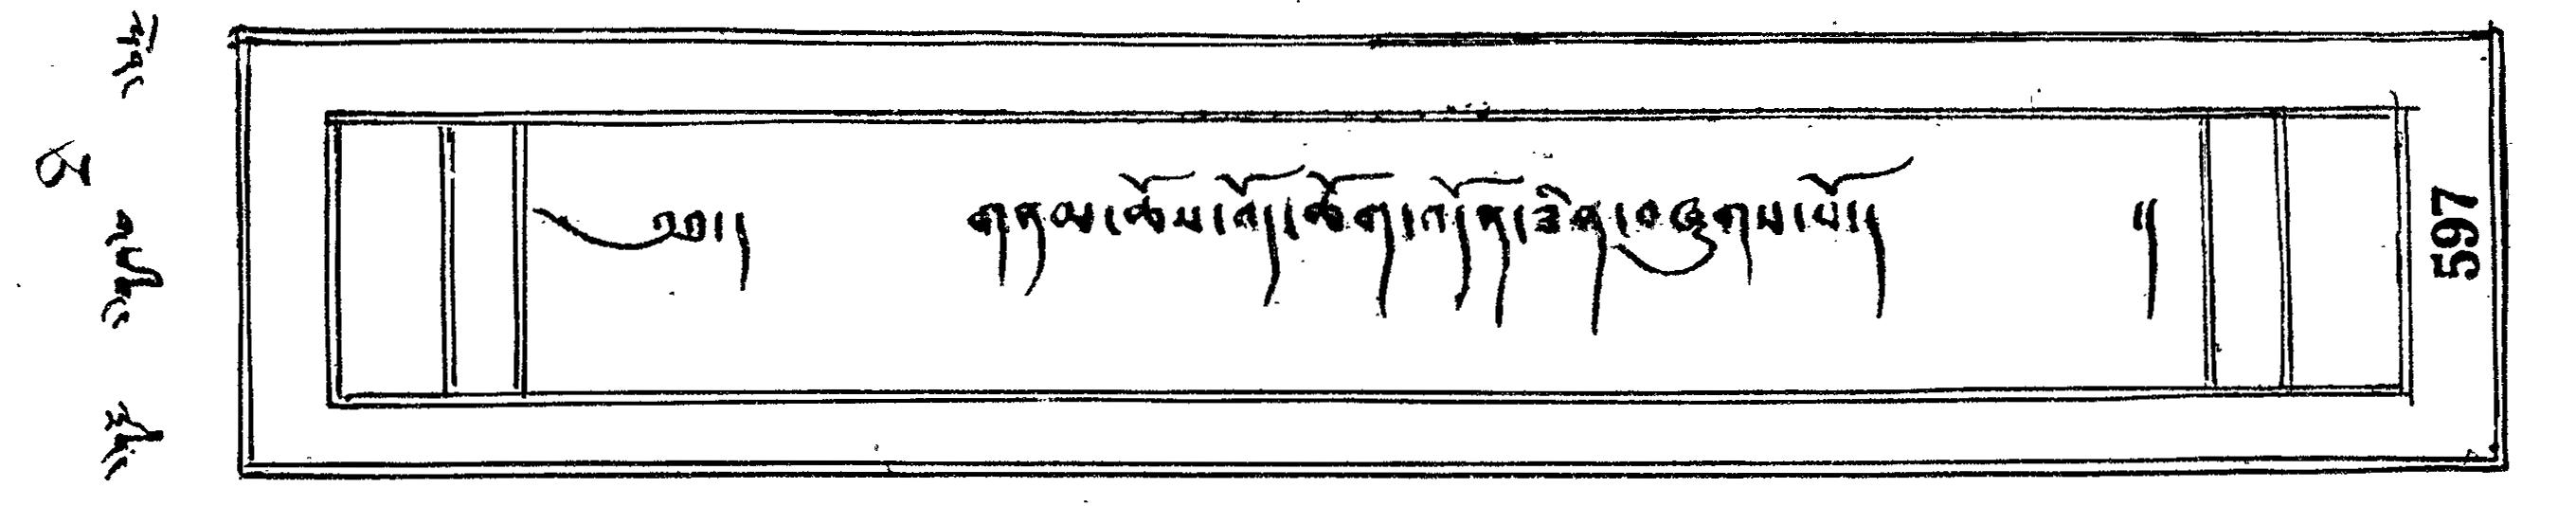༄༅། གནམ་ཆོས་འོད་ཆོག་འདོན་ཟིན་བཞུགས་སོ།